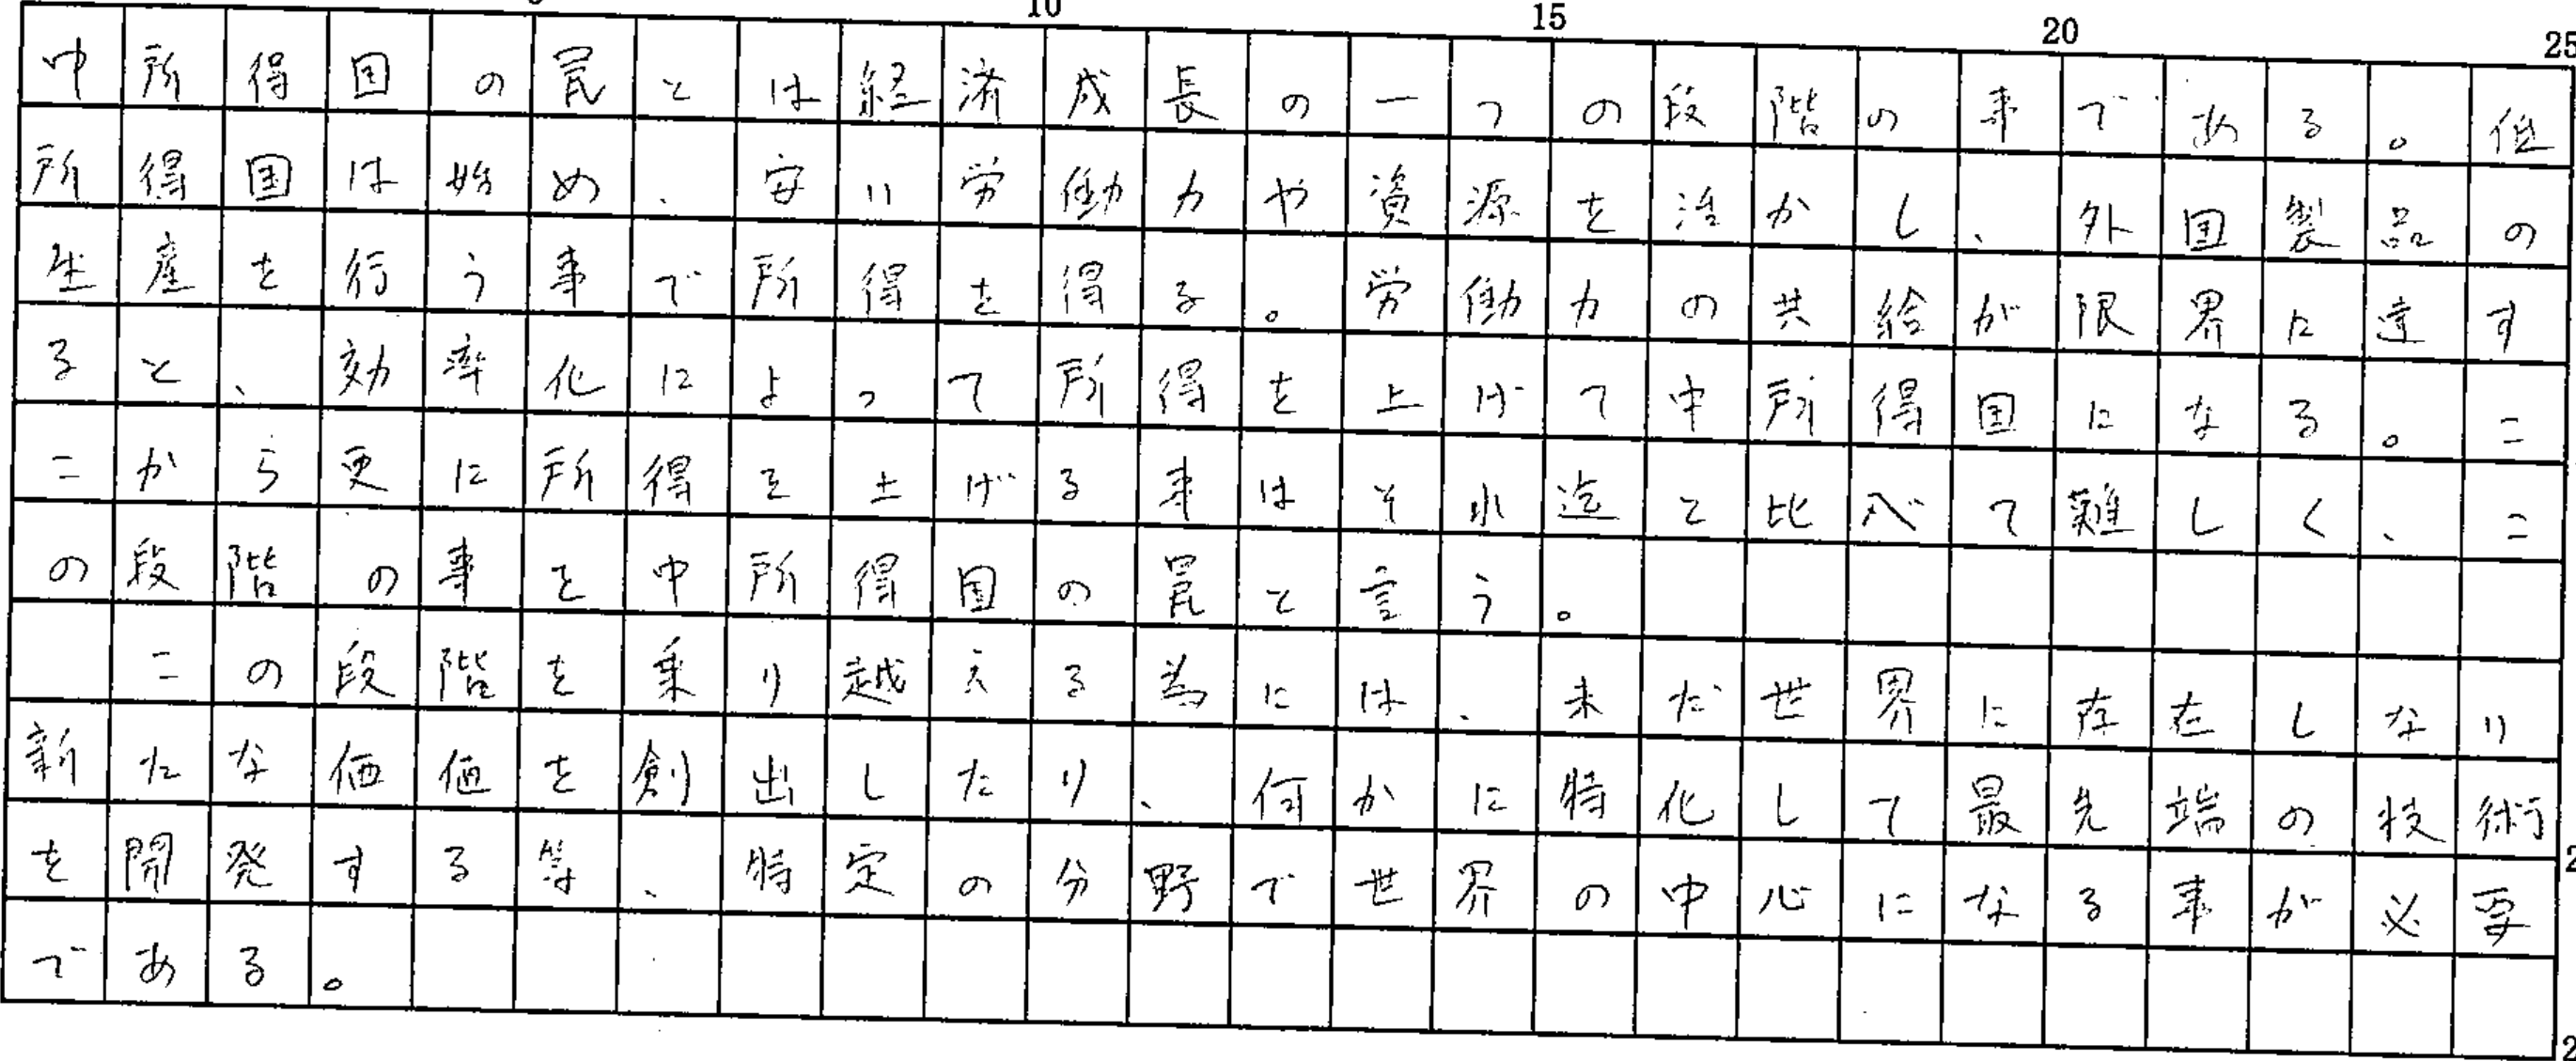中所得国の罠とは経済成長の一つの段階の事である。低所得国は始め、安い労働力や資源を活かし、外国製品の生産を行う事で所得を得る。労働力の共給が限界に達すると、効率化によって所得を上げて中所得国になる。ここから更に所得を上げる事はそれ迄と比べて難しく、この段階の事を中所得国の罠と言う。
　この段階を乗り越える為には、未だ世界に存在しない新たな価値を創出したり、何かに特化して最先端の技術を開発する等、特定の分野で世界の中心になる事が必要である。
